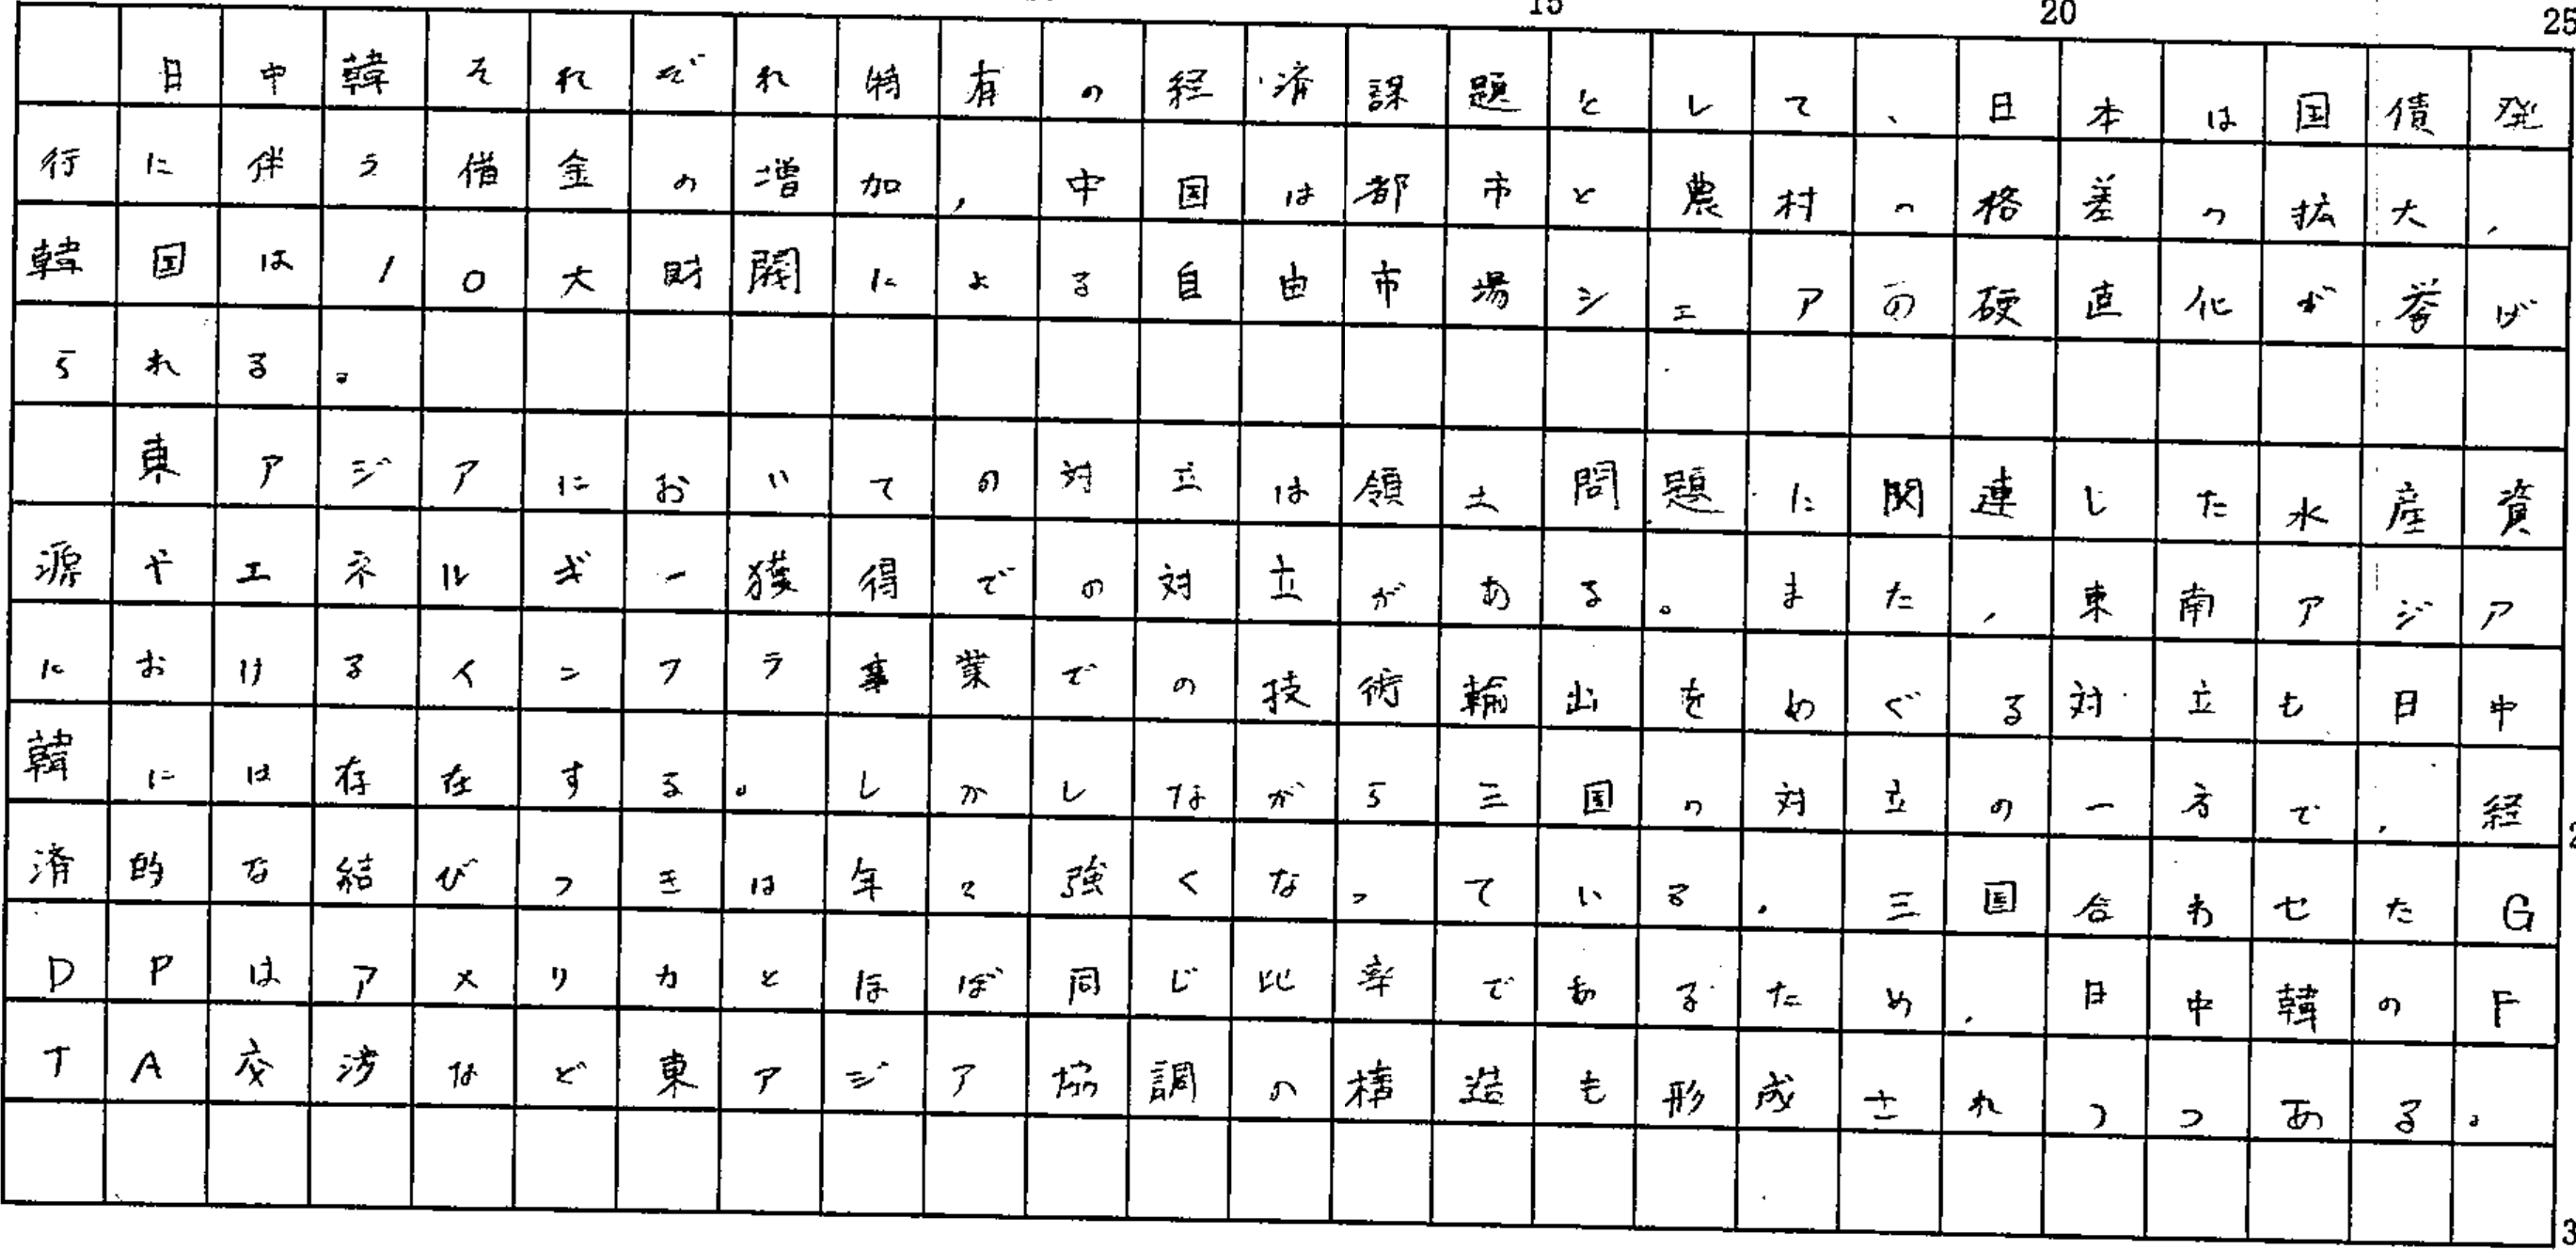　日中韓それぞれ特有の経済課題として、日本は国債発行に伴う借金の増加，中国は都市と農村の格差の拡大，韓国は１０大財閥による自由市場シェアの硬直化が挙げられる。
　東アジアにおいての対立は領土問題に関連した水産資源やエネルギー獲得での対立がある。また，東南アジアにおけるインフラ事業での技術輸出をめぐる対立も日中韓には存在する。しかしながら三国の対立の一方で，経済的な結びつきは年々強くなっている。三国合わせたＧＤＰはアメリカとほぼ同じ比率であるため，日中韓のＦＴＡ交渉など東アジア協調の構造も形成されつつある。
